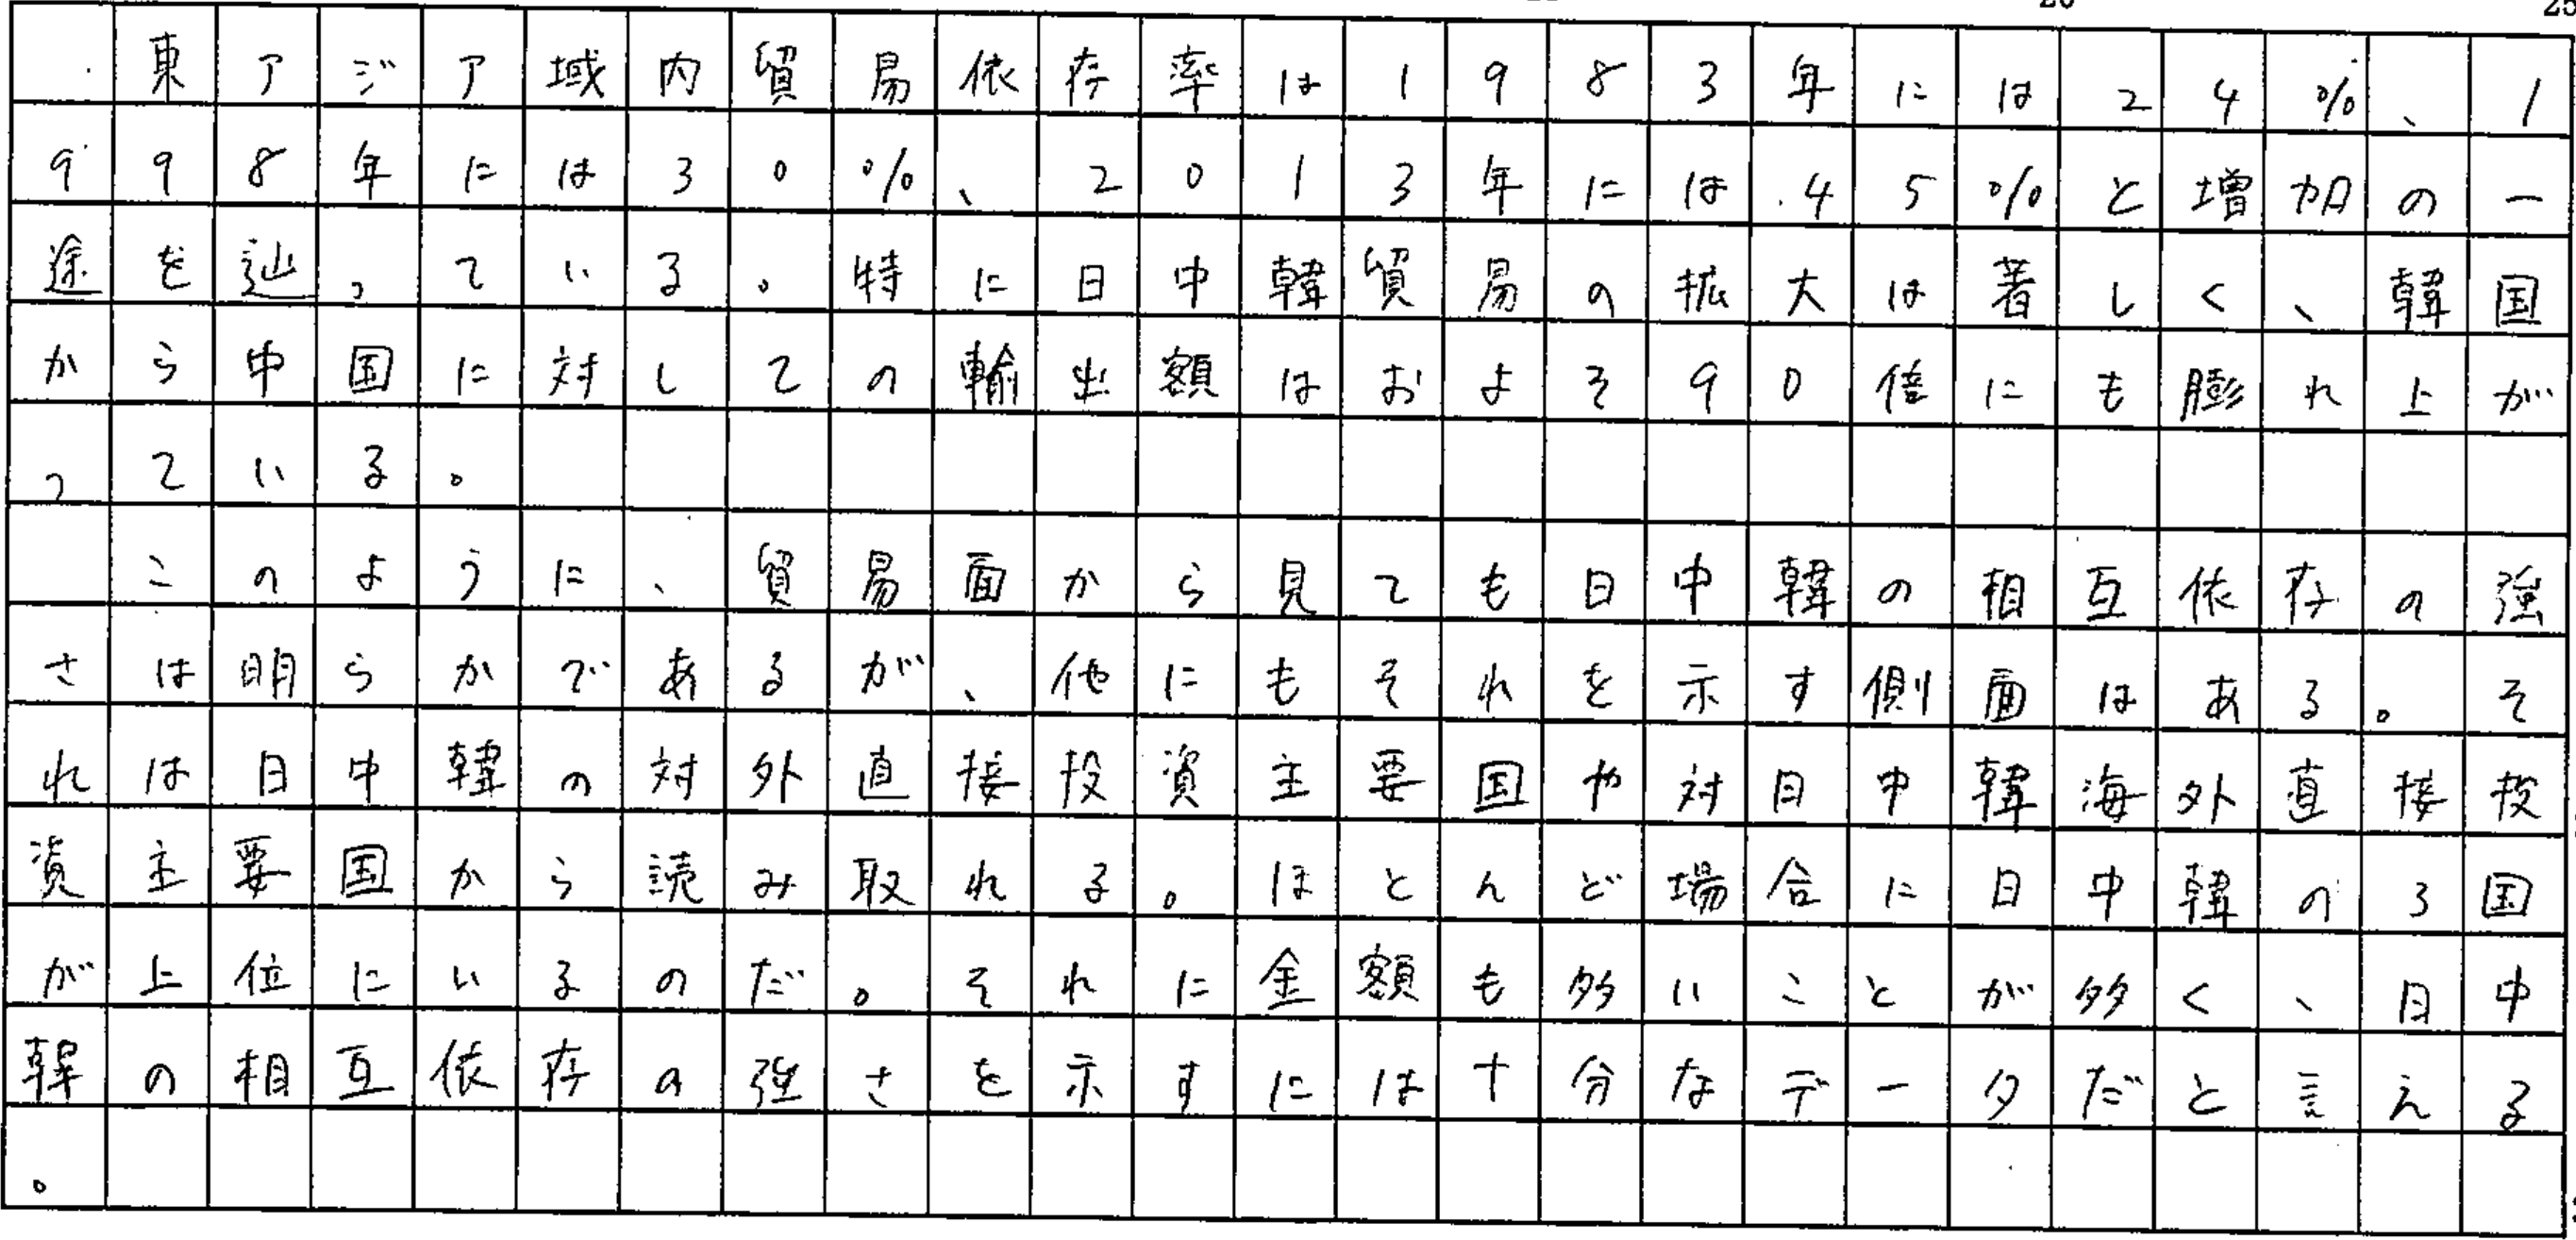　東アジア域内貿易依存率は１９８３年には２４％、１９９８年には３０％、２０１３年には４５％と増加の一途を辿っている。特に日中韓貿易の拡大は著しく、韓国から中国に対しての輸出額はおよそ９０倍にも膨れ上がっている。
　このように、貿易面から見ても日中韓の相互依存の強さは明らかであるが、他にもそれを示す側面はある。それは日中韓の対外直接投資主要国や対日中韓海外直接投資主要国から読み取れる。ほとんど場合に日中韓の３国が上位にいるのだ。それに金額も多いことが多く、日中韓の相互依存の強さを示すには十分なデータだと言える。
